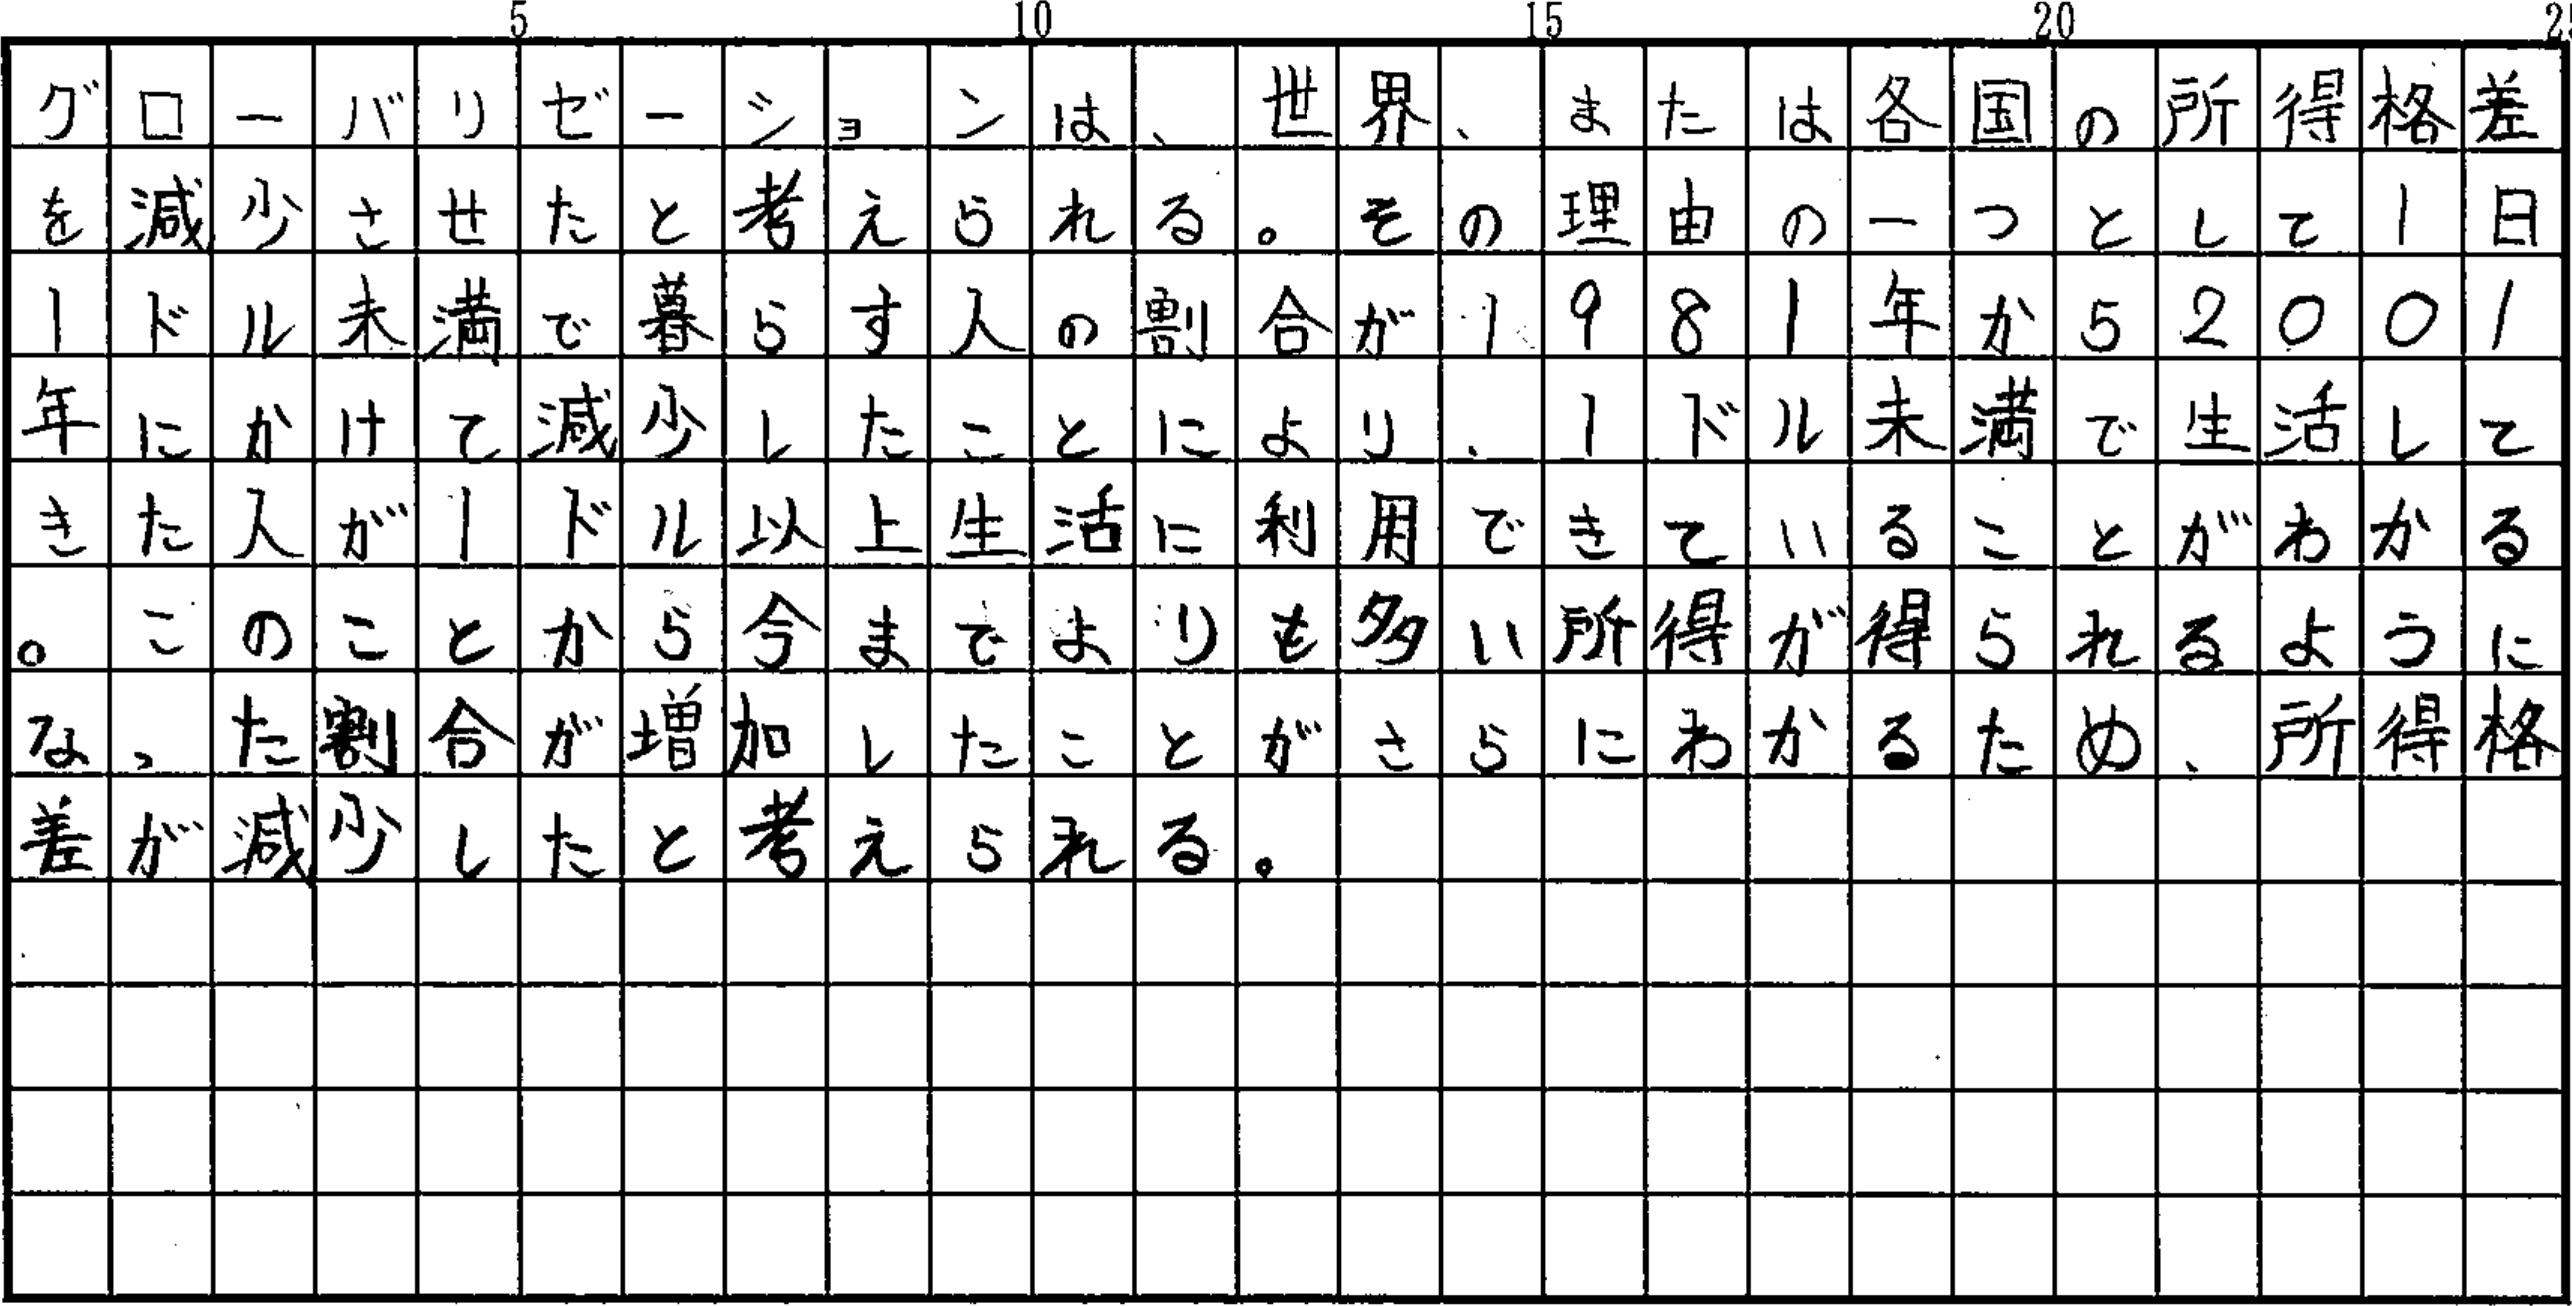グローバリゼーションは、世界、または各国の所得格差を減少させたと考えられる。その理由の一つとして１日１ドル未満で暮らす人の割合が１９８１年から２００１年にかけて減少したことにより、１ドル未満で生活してきた人が１ドル以上生活に利用できていることがわかる。このことから今までよりも多い所得が得られるようになった割合が増加したことがさらにわかるため、所得格差が減少したと考えられる。
